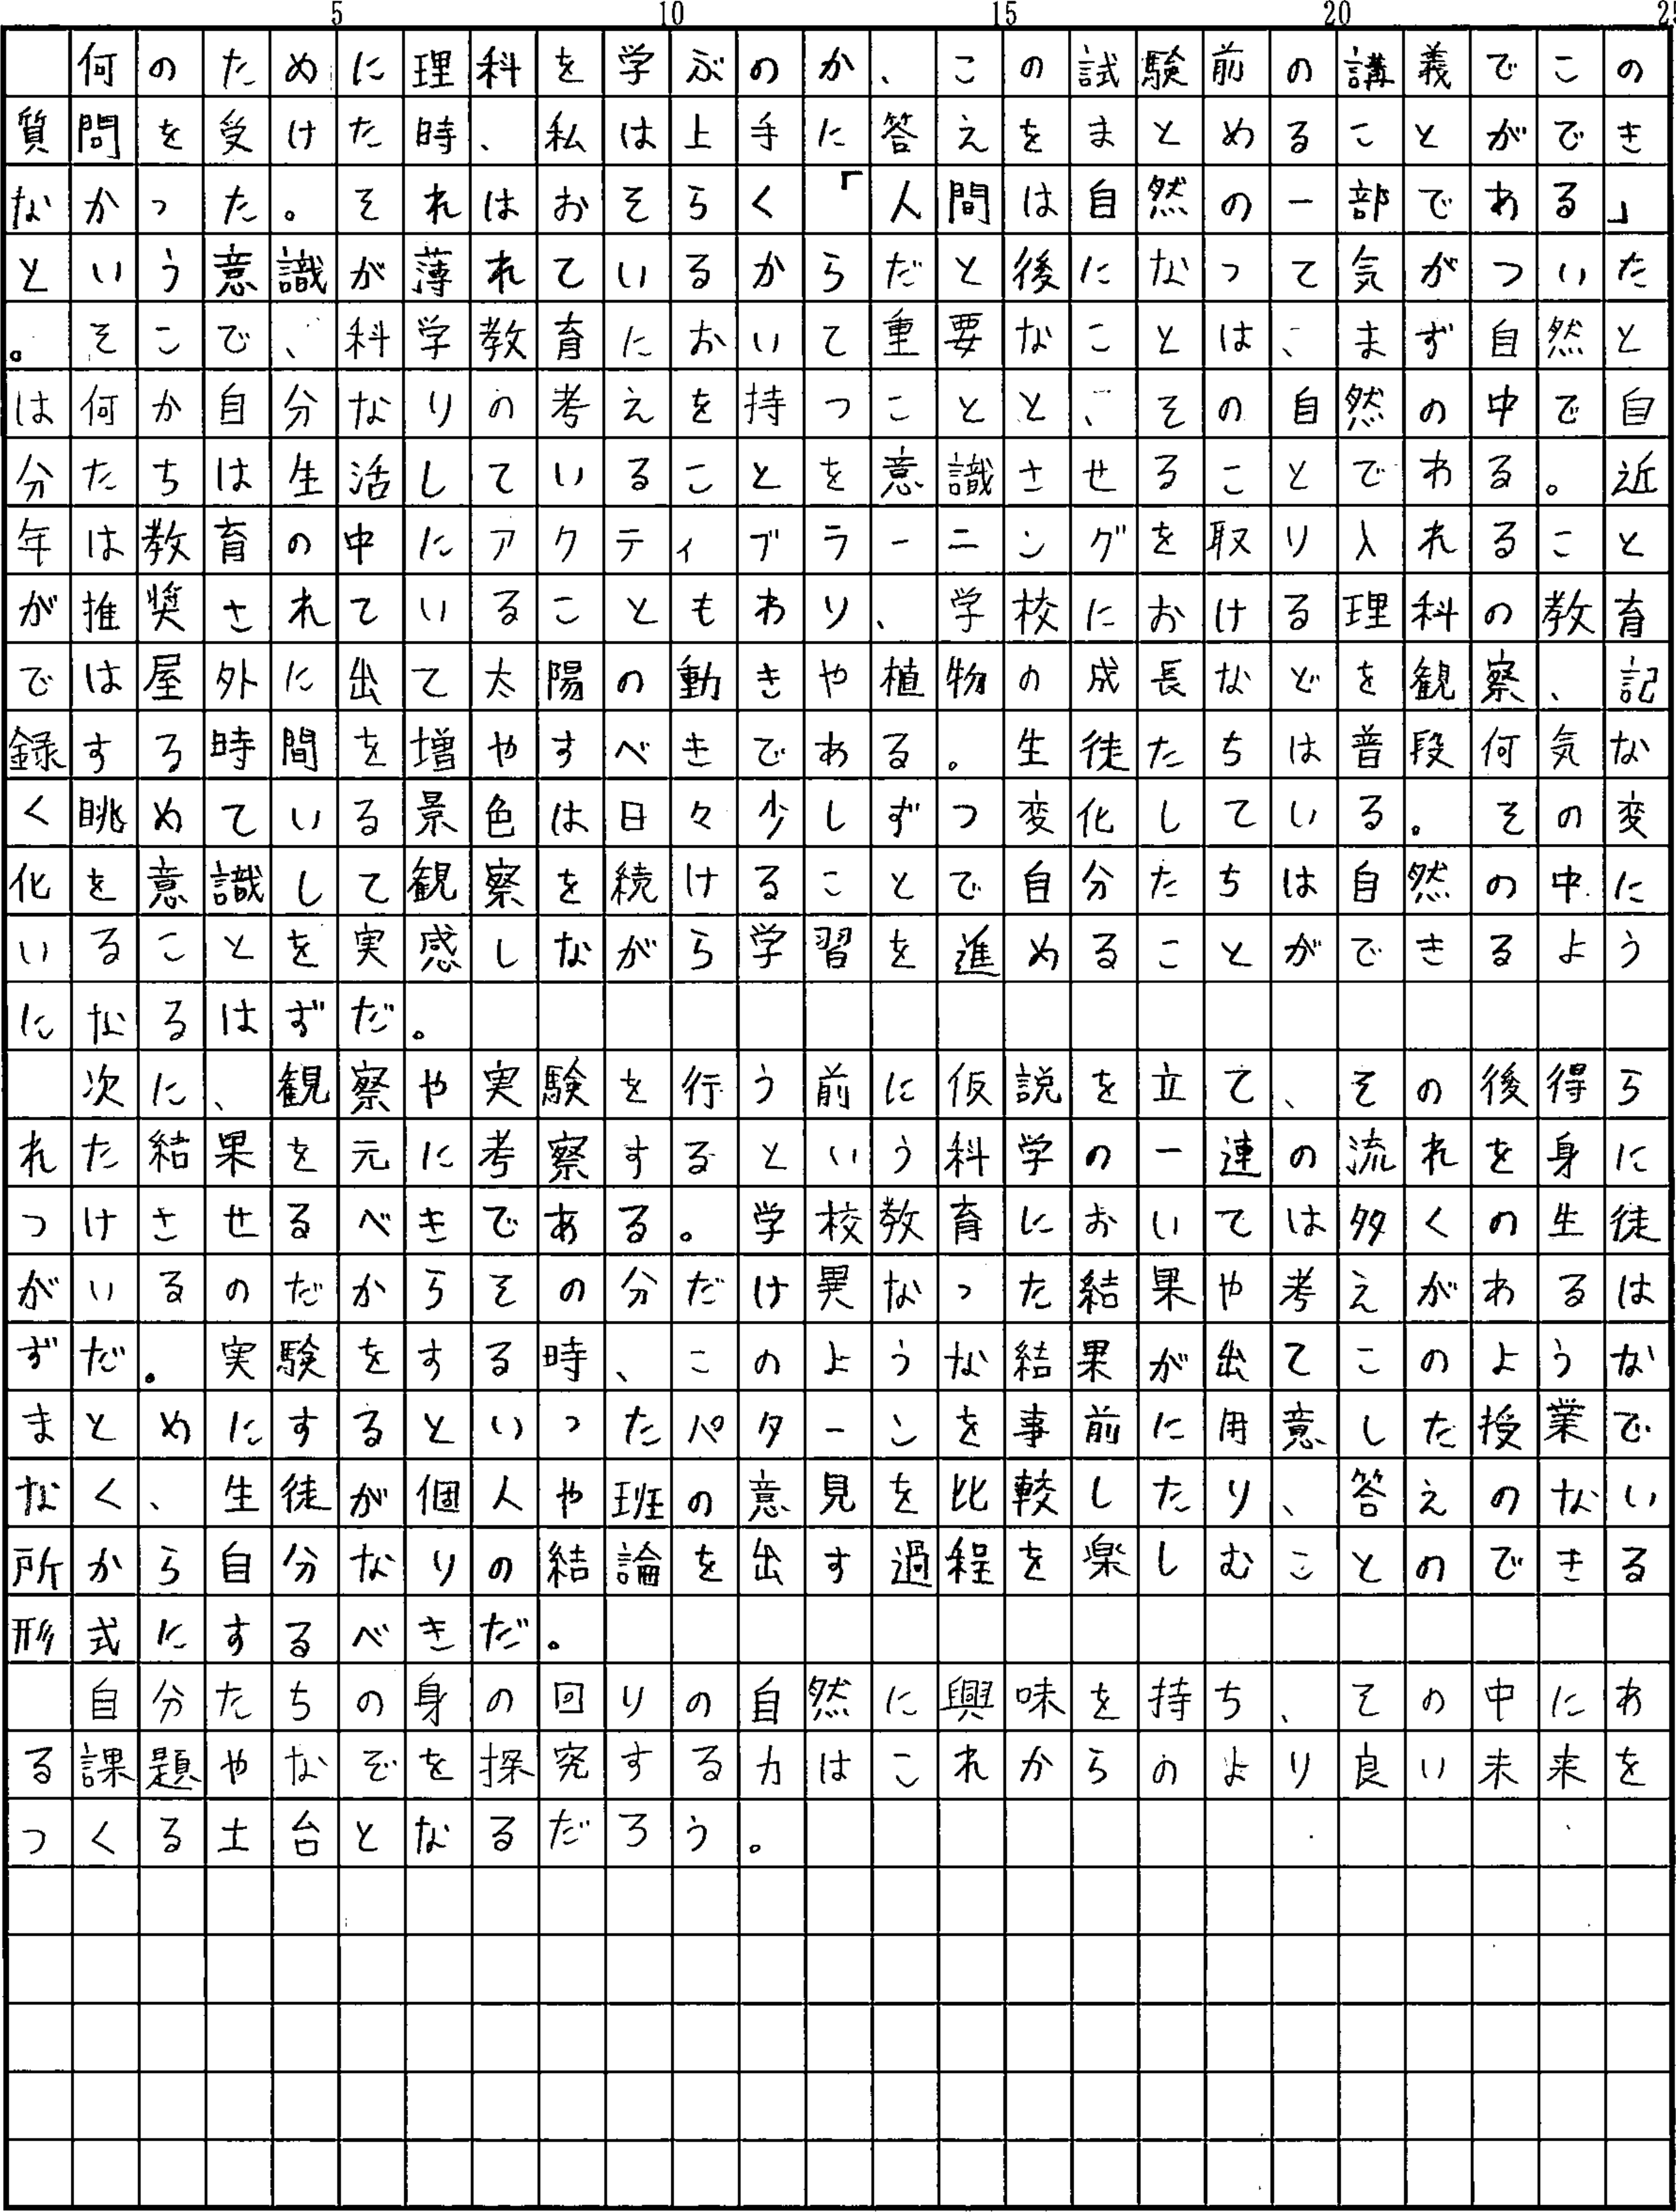　何のために理科を学ぶのか、この試験前の講義でこの質問を受けた時、私は上手に答えをまとめることができなかった。それはおそらく「人間は自然の一部である」という意識が薄れているからだと後になって気がついた。そこで、科学教育において重要なことは、まず自然とは何か自分なりの考えを持つことと、その自然の中で自分たちは生活していることを意識させることである。近年は教育の中にアクティブラーニングを取り入れることが推奨されていることもあり、学校における理科の教育では屋外に出て太陽の動きや植物の成長などを観察、記録する時間を増やすべきである。生徒たちは普段何気なく眺めている景色は日々少しずつ変化している。その変化を意識して観察を続けることで自分たちは自然の中にいることを実感しながら学習を進めることができるようになるはずだ。
　次に、観察や実験を行う前に仮説を立て、その後得られた結果を元に考察するという科学の一連の流れを身につけさせるべきである。学校教育においては多くの生徒がいるのだからその分だけ異なった結果や考えがあるはずだ。実験をする時、このような結果が出てこのようなまとめにするといったパターンを事前に用意した授業でなく、生徒が個人や班の意見を比較したり、答えのない所から自分なりの結論を出す過程を楽しむことのできる形式にするべきだ。
　自分たちの身の回りの自然に興味を持ち、その中にある課題やなぞを探究する力はこれからのより良い未来をつくる土台となるだろう。
